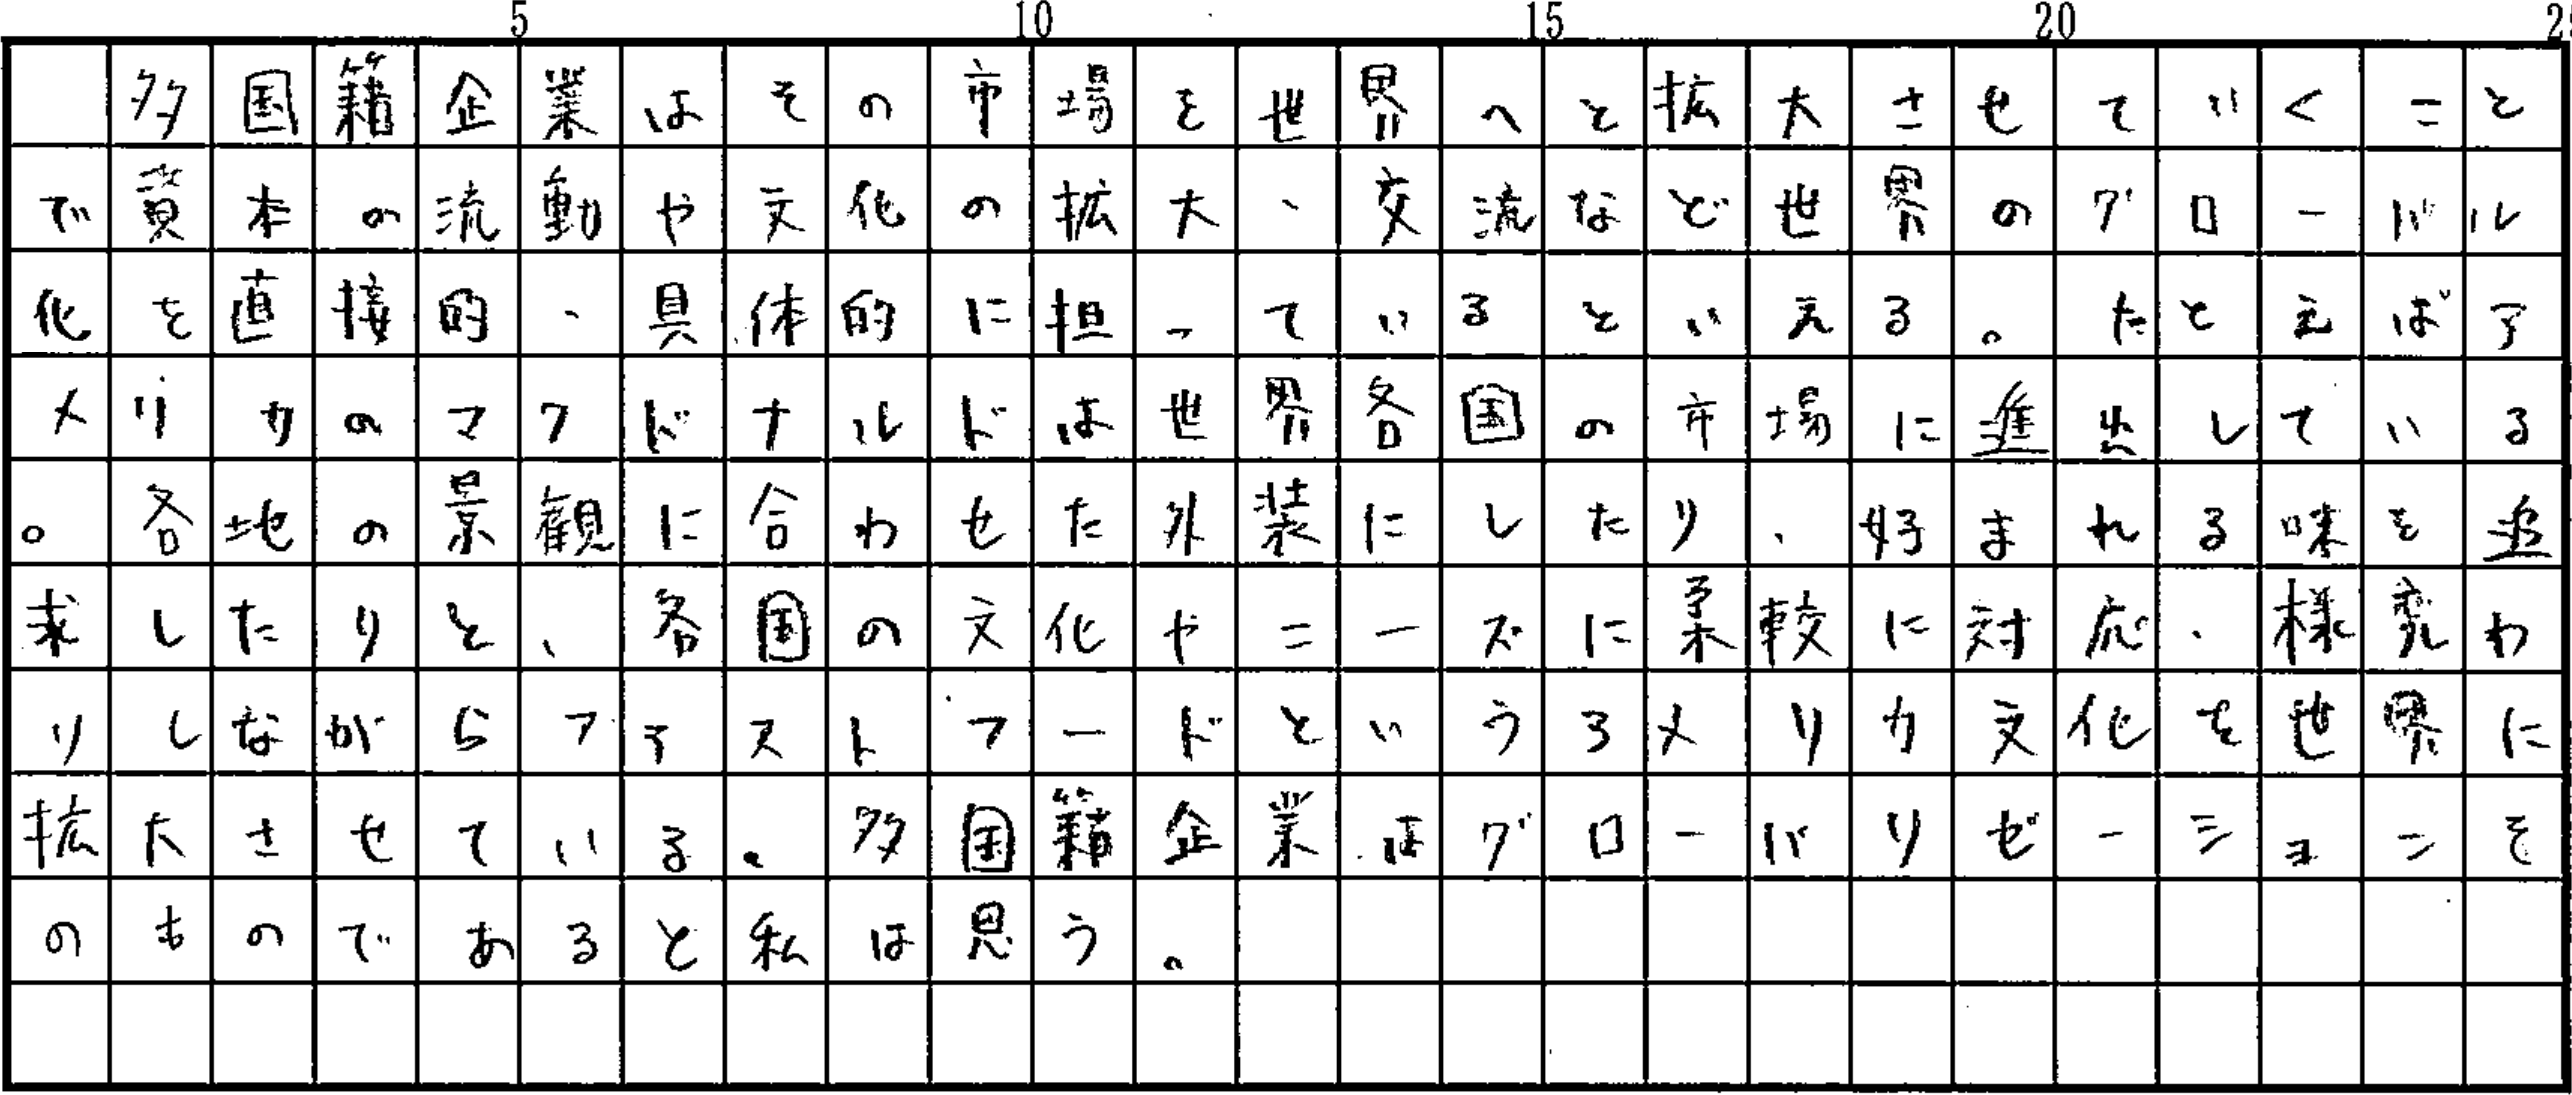多国籍企業はその市場を世界へと拡大させていくことで資本の流動や文化の拡大・交流など世界のグローバル化を直接的・具体的に担っているといえる。たとえばアメリカのマクドナルドは世界各国の市場に進出している。各地の景観に合わせた外装にしたり、好まれる味を追求したりと、各国の文化やニーズに柔較に対応・様▁わりしながらファストフードというアメリカ文化を世界に拡大させている。多国籍企業はグローバリゼーションそのものであると私は思う。
